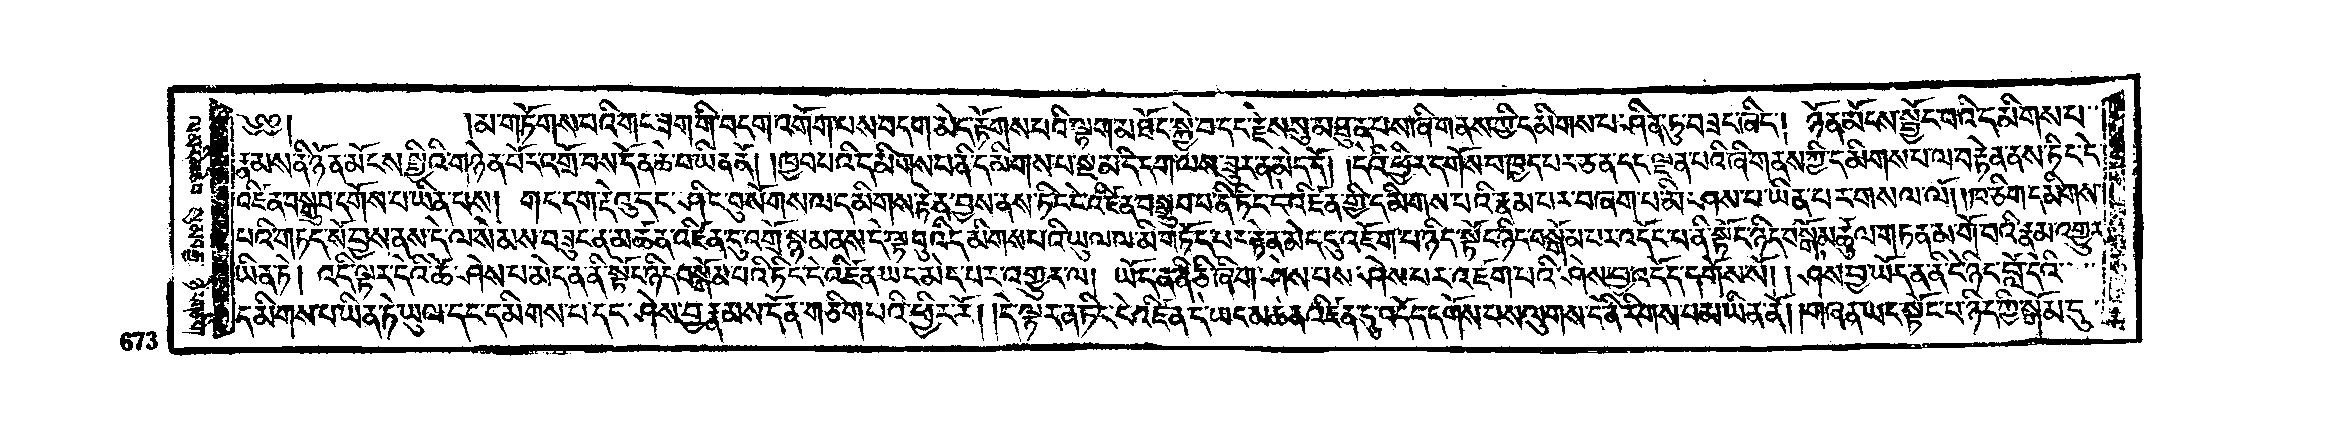༄༅། །མ་གཏོགས་པའི་གང་ཟག་གི་བདག་འགོག་པས་བདག་མེད་རྟོགས་པའི་ལྷག་མཐོང་སྐྱེ་བ་དང་རྗེས་སུ་མཐུན་པས་ཞི་གནས་ཀྱི་དམིགས་པ་ཤིན་ཏུ་བཟང་ཞིང་། ཉོན་མོངས་སྦྱོང་བའི་དམིགས་པ་
རྣམས་ནི་ཉོན་མོངས་སྤྱིའི་གཉེན་པོར་འགྲོ་བས་དོན་ཆེ་བ་ཡིན་ནོ། །ཁྱབ་པའི་དམིགས་པ་ནི་དམིགས་པ་སྔ་མ་དེ་དག་ལས་ཟུར་ན་མེད་དོ། །དེའི་ཕྱིར་དགོས་པ་ཁྱད་པར་ཅན་དང་ལྡན་པའི་ཞི་གནས་ཀྱི་དམིགས་པ་ལ་བརྟེན་ནས་ཏིང་ངེ་
འཛིན་བསྒྲུབ་དགོས་པ་ཡིན་པས། གང་དག་རྡེའུ་དང་ཤིང་བུ་སོགས་ལ་དམིགས་རྟེན་བྱས་ནས་ཏིང་ངེ་འཛིན་བསྒྲུབ་པ་ནི་ཏིང་ངེ་འཛིན་གྱི་དམིགས་པའི་རྣམ་པར་བཞག་པ་མི་ཤེས་པ་ཡིན་པར་གསལ་ལོ། །ཁ་ཅིག་དམིགས་
པའི་གཏད་སོ་བྱས་ནས་དེ་ལ་སེམས་བཟུང་ན་མཚན་འཛིན་དུ་འགྲོ་སྙམ་ནས་དེ་ལྟ་བུའི་དམིགས་པའི་ཡུལ་ལ་མི་གཏོད་པར་རྟེན་མེད་དུ་འཇོག་པ་ཉིད་སྟོང་ཉིད་བསྒོམ་པར་འདོད་པ་ནི་སྟོང་ཉིད་བསྒོམ་ཚུལ་གཏན་མ་གོ་བའི་རྣམ་འགྱུར་
ཡིན་ཏེ། འདི་ལྟར་དེའི་ཚེ་ཤེས་པ་མེད་ན་ནི་སྟོང་ཉིད་བསྒོམ་པའི་ཏིང་ངེ་འཛིན་ཡང་མེད་པར་འགྱུར་ལ། ཡོད་ན་ནི་ཅི་ཞིག་ཤེས་པས་ཤེས་པར་འཇོག་པའི་ཤེས་བྱ་འདོད་དགོས་སོ། །ཤེས་བྱ་ཡོད་ན་ནི་དེ་ཉིད་བློ་དེའི་
དམིགས་པ་ཡིན་ཏེ་ཡུལ་དང་དམིགས་པ་དང་ཤེས་བྱ་རྣམས་དོན་གཅིག་པའི་ཕྱིར་རོ། །དེ་ལྟར་ན་ཏིང་ངེ་འཛིན་དེ་ཡང་མཚན་འཛིན་དུ་འདོད་དགོས་པས་ལུགས་དེ་ནི་རིགས་པ་མ་ཡིན་ནོ། །གཞན་ཡང་སྟོང་པ་ཉིད་ཀྱི་སྒོམ་དུ་